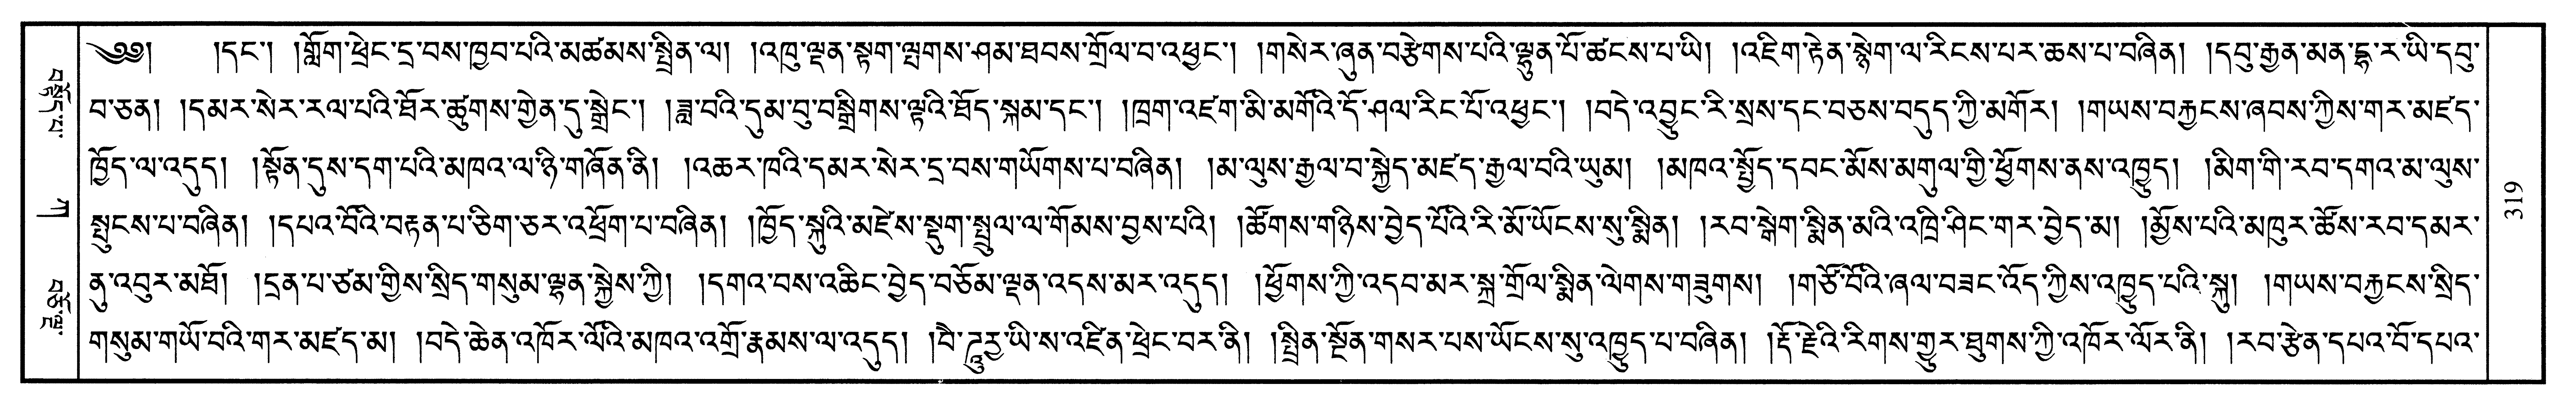༄༅། །དང་། །གློག་ཕྲེང་དྲ་བས་ཁྱབ་པའི་མཚམས་སྤྲིན་ལ། །འཁུ་ལྡན་སྟག་ལྤགས་ཤམ་ཐབས་གྲོལ་བ་འཕྱང་། །གསེར་ཞུན་བརྩེགས་པའི་ལྷུན་པོ་ཚངས་པ་ཡི། །འཇིག་རྟེན་སྙེག་ལ་རིངས་པར་ཆས་པ་བཞིན། །དབུ་རྒྱན་མན་དྷ་ར་ཡི་དབུ་
བ་ཅན། །དམར་སེར་རལ་པའི་ཐོར་ཚུགས་གྱེན་དུ་སྒྲེང་། །ཟླ་བའི་དུམ་བུ་བསྒྲིགས་ལྟའི་ཐོད་སྐམ་དང་། །ཁྲག་འཛག་མི་མགོའི་དོ་ཤལ་རིང་པོ་འཕྱང་། །བདེ་འབྱུང་རི་སྲས་དང་བཅས་བདུད་ཀྱི་མགོར། །གཡས་བརྐྱངས་ཞབས་ཀྱིས་གར་མཛད་
ཁྱོད་ལ་འདུད། །སྟོན་དུས་དག་པའི་མཁའ་ལ་ཉི་གཞོན་ནོ། །འཆར་ཁའི་དམར་སེར་དྲ་བས་གཡོགས་པ་བཞིན། །མ་ལུས་རྒྱལ་བ་སྐྱེད་མཛད་རྒྱལ་བའི་ཡུམ། །མཁའ་སྤྱོད་དབང་མོས་མགུལ་གྱི་ཕྱོགས་ནས་འཁྱུད། །མིག་གི་རབ་དགའ་མ་ལུས་
སྤུངས་པ་བཞིན། །དཔའ་བོའི་བརྟན་པ་ཅིག་ཅར་འཕྲོག་པ་བཞིན། །ཁྱོད་སྐུའི་མཛེས་སྡུག་སྤྲུལ་ལ་གོམས་བྱས་པའི། །ཚོགས་གཉིས་བྱེད་པའི་རི་མོ་ཡོངས་སུ་སྨིན། །རབ་སྒེག་སྨིན་མའི་འཁྲི་ཤིང་གར་བྱེད་མ། །མྱོས་པའི་མཁུར་ཚོས་རབ་དམར་
ནུ་འབུར་མཐོ། །དྲན་པ་ཙམ་གྱིས་སྲིད་གསུམ་ལྷན་སྐྱེས་ཀྱི། །དགའ་བས་འཆིང་བྱེད་བཅོམ་ལྡན་འདས་མར་འདུད། །ཕྱོགས་ཀྱི་འདབ་མར་སྐྲ་གྲོལ་སྨིན་ལེགས་གཟུགས། །གཙོ་བོའི་ཞལ་བཟང་འོད་ཀྱིས་འཁྱུད་པའི་སྐུ། །གཡས་བརྐྱངས་སྲིད་
གསུམ་གཡོ་བའི་གར་མཛད་མ། །བདེ་ཆེན་འཁོར་ལོའི་མཁའ་འགྲོ་རྣམས་ལ་འདུད། །བཻ་ཌཱུརྱ་ཡི་ས་འཛིན་ཕྲེང་བར་ནི། །སྤྲིན་སྔོན་གསར་པས་ཡོངས་སུ་འཁྱུད་པ་བཞིན། །རྡོ་རྗེའི་རིགས་གྱུར་ཐུགས་ཀྱི་འཁོར་ལོར་ནི། །རབ་རྩེན་དཔའ་བོ་དཔའ་